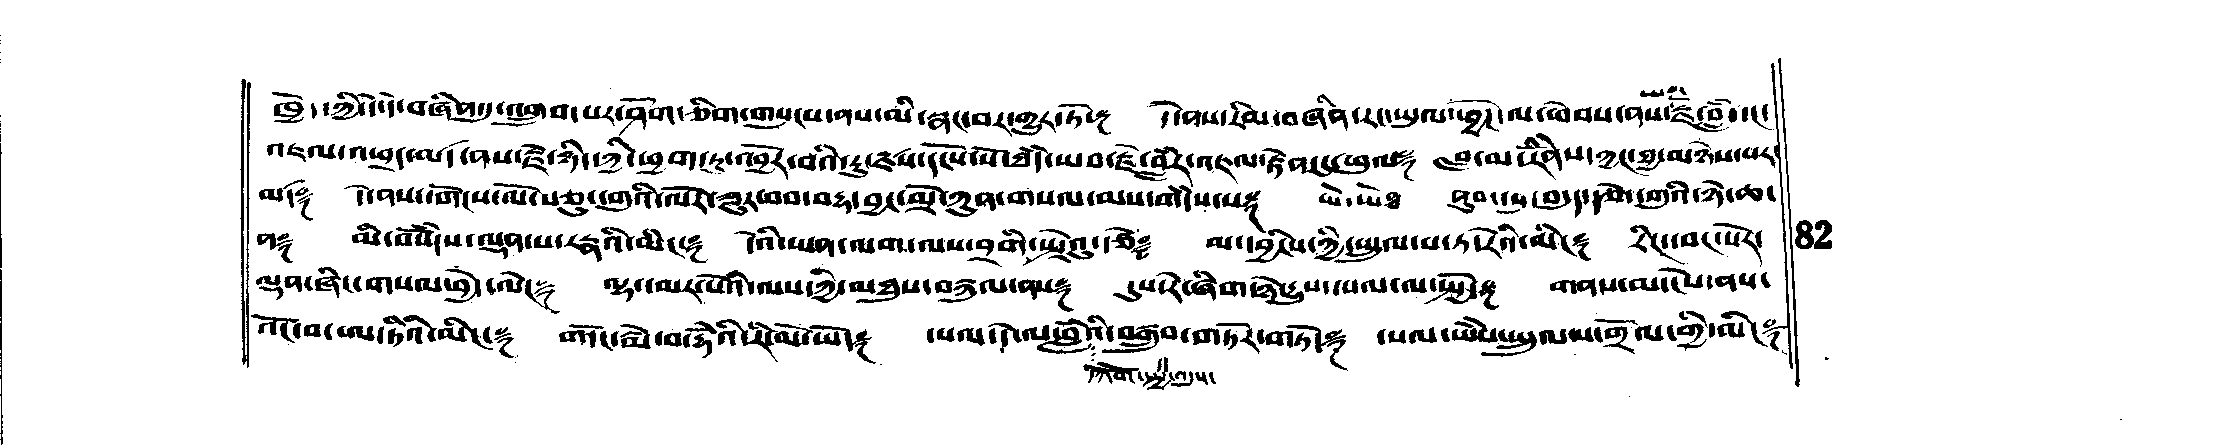ཁྱོད་ཀྱི་དེ་དེ་བཞིན་དུ་འགྲུབ་པར་ཤོག་ཅིག་གསུངས་ནས་མི་སྣང་བར་གྱུར་ཏོ། དེ་ནས་རིམ་བཞིན་རང་ཡུལ་ཕྱོགས་ལ་ཕེབས་ནས་ཡབ་རྗེ་བླ་མ་དང་
མཇལ་འཕྲད་མཛད་ནས་རྗེ་ཉིད་ཀྱི་ཕྱག་ཏུ་འབྱོར་བའི་རྒྱུ་རྫས་དངོས་པོ་ཐམས་ཅད་ཡབ་རྗེ་བླ་མར་མཇལ་རྟེན་དུ་ཕུལ། བླ་མ་རིན་པོ་ཆེས་ཀྱང་ཐུགས་མཉེས་པར་
མཛད། དེ་ནས་དགུང་ལོ་བཅུ་དགུའི་ལོར་ཟུར་བབ་བརྡ་བྱང་མཁའ་འགྲོ་ཀུན་གསལ་མས་གདམས་པ། ཡེ་ཡེཿ ནུབ་དབུ་བདུད་རྩེ་དགུའི་ཉེ་ཆ་
ན། །མི་བསོད་ནམས་ལྡན་པ་རཏྣའི་མིང་། །དེའི་ལག་ལས་བྲག་གི་སྤྲེའུ་རྩེ། །མ་དབྱིངས་ཀྱི་སྤྲུལ་པ་ཏ་རེའི་མིང་། །རིགས་དབང་པོར་
ལྡན་ཞིང་གསལ་བྱེད་ལེགས། །ལྷ་དམར་པོའི་ལས་ཀྱི་མཐུས་བསྐུལ་ནས། །དུས་རེ་ཞིག་ཉེ་རྒྱུས་དཔལ་ལ་སྤྱོད། །གནས་མ་ངེས་ནས་
འོང་བ་ཨ་ཏིའི་མིང་། །གདོང་སྨེ་བ་རྡོ་རྗེའི་རི་མོ་ཡོད། །དཔལ་དེ་ལ་བླ་མའི་ ( དཀོན་མཆོག་སྤྱི་འདུས་ ) སྒྲུབ་གཏོར་གཏོད། །དཔལ་ཡེ་ཤེས་སྤྲུལ་པ་གྲོལ་གྱི་མིང་།